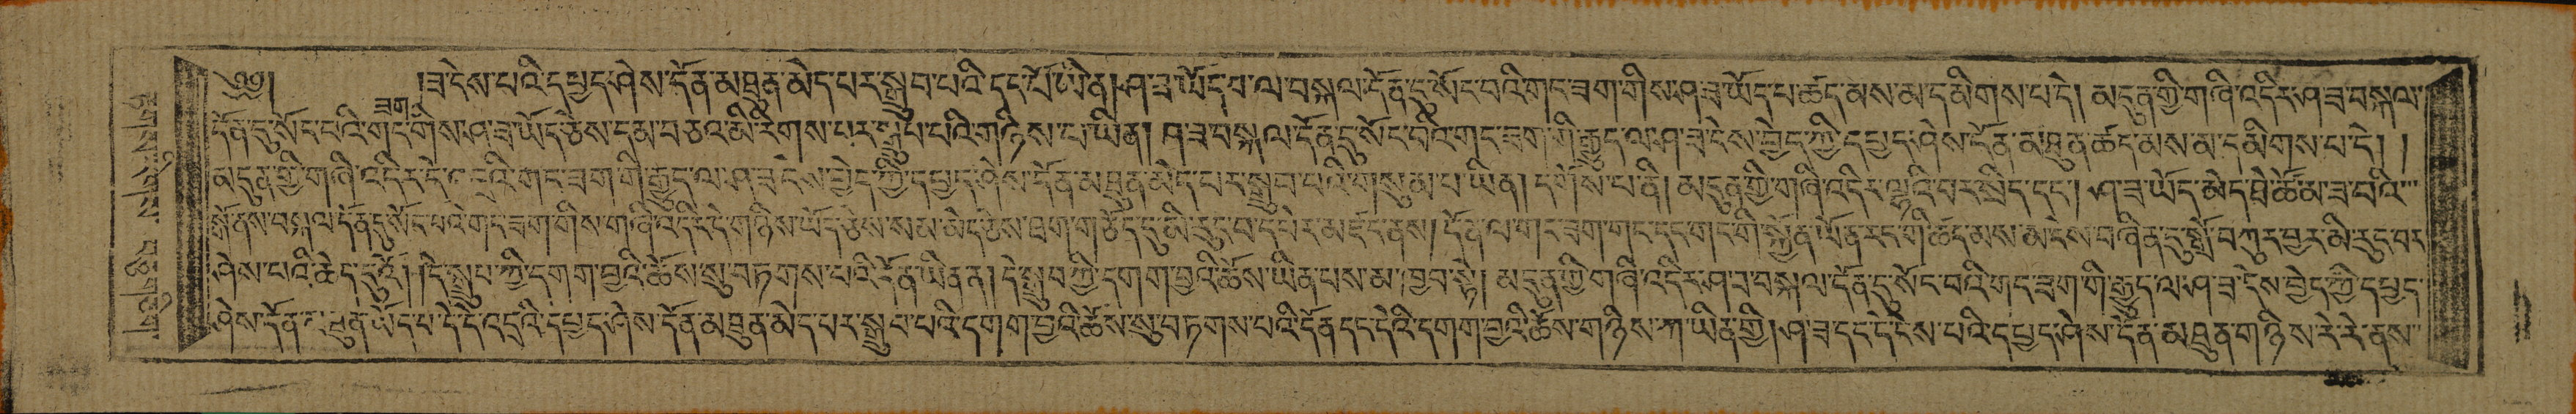༄༅། །ཟ་ངེས་པའི་དཔྱད་ཤེས་དོན་མཐུན་མེད་པར་སྒྲུབ་པའི་དང་པོ་ཡི་ན། ཤ་ཟ་ཡོད་པ་ལ་བསྐལ་དོན་དུ་སོང་བའི་གང་ཟག་གིས་ཤ་ཟ་ཡོད་པ་ཚད་མས་མ་དམིགས་པ་དེ། མདུན་གྱི་གཞི་འདིར་ཤ་ཟ་བསྐལ་
དོན་དུ་སོང་བའི་གང་ཟག་གིས་ཤ་ཟ་ཡོད་ཅེས་དམ་བཅའ་མི་རིགས་པར་སྒྲུབ་པའི་གཉིས་པ་ཡིན། ཤ་ཟ་བསྐལ་དོན་དུ་སོང་བའི་གང་ཟག་གི་རྒྱུད་ལ་ཤ་ཟ་ངེས་བྱེད་ཀྱི་དཔྱད་ཤེས་དོན་མཐུན་ཚད་མས་མ་དམིགས་པ་དེ། །
མདུན་གྱི་གཞི་འདིར་དེ་འདྲའི་གང་ཟག་གི་རྒྱུད་ལ་ཤ་ཟ་ངེས་བྱེད་ཀྱི་དཔྱད་ཤེས་དོན་མཐུན་མེད་པར་སྒྲུབ་པའི་གསུམ་པ་ཡིན། དགོས་པ་ནི། མདུན་གྱི་གཞི་འདིར་ལྷའི་བར་སྲིད་དང་། ཤ་ཟ་ཡོད་མེད་ཐེ་ཚོམ་ཟ་བའི་
སྒོ་ནས་བསྐལ་དོན་དུ་སོང་བའི་གང་ཟག་གིས་གཞི་འདིར་དེ་གཉིས་ཡོད་ཅེས་སམ་མེད་ཅེས་ཐག་གཅོད་དུ་མི་རུང་བ་དཔེར་མཛད་ནས། དོན་ལ་གང་ཟག་གང་དང་གང་གི་སྐྱོན་ཡོན་རང་གི་ཚད་མས་མ་ངེས་བཞིན་དུ་སྒྲོ་བཀུར་བྱར་མི་རུང་བར་
ཤེས་པའི་ཆེད་དུའོ། །དེ་སྒྲུབ་ཀྱི་དགག་བྱའི་ཆོས་སུ་བཏགས་པའི་དོན་ཡིན་ན། དེ་སྒྲུབ་ཀྱི་དགག་བྱའི་ཆོས་ཡིན་པས་མ་ཁྱབ་སྟེ། མདུན་གྱི་གཞི་འདིར་ཤ་ཟ་བསྐལ་དོན་དུ་སོང་བའི་གང་ཟག་གི་རྒྱུད་ལ་ཤ་ཟ་ངེས་བྱེད་ཀྱི་དཔྱད་
ཤེས་དོན་མཐུན་ཡོད་པ་དེ་དེ་འདྲའི་དཔྱད་ཤེས་དོན་མཐུན་མེད་པར་སྒྲུབ་པའི་དགག་བྱའི་ཆོས་སུ་བཏགས་པའི་དོན་དང་དེའི་དགག་བྱའི་ཆོས་གཉིས་ཀ་ཡིན་གྱི། ཤ་ཟ་དང་དེ་ངེས་པའི་དཔྱད་ཤེས་དོན་མཐུན་གཉིས་རེ་རེ་ནས་